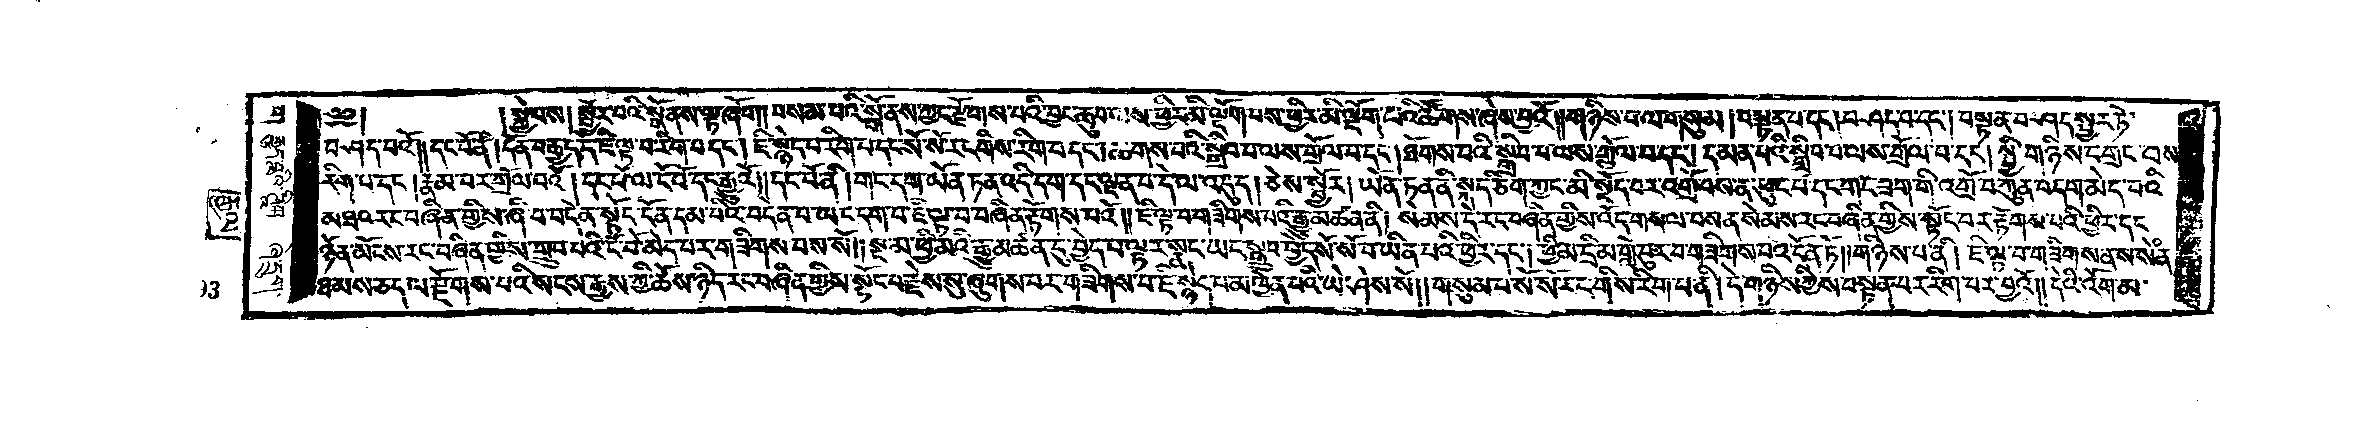༄༅། །སྐྱེ་པས། སྦྱོར་བའི་སྒོ་ནས་ལྟ་ཞོག །བསམ་པའི་སྒོ་ནས་ཀྱང་རྫོགས་པའི་བྱང་ཆུབ་ལས་ཕྱིར་མི་ལྡོག་པས་ཕྱིར་མི་ལྡོག་པའི་ཚོགས་ཞེས་བྱའོ། །གཉིས་པ་ལ་གསུམ། བསྟན་པ་དང་། བཤད་པ་དང་། བསྟན་བཤད་སྦྱར་ཏེ་
བཤད་པའོ། །དང་པོ་ནི། དོན་བརྒྱད་དེ་ཇི་ལྟ་བ་རིག་པ་དང་། ཇི་སྙེད་པ་རིག་པ་དང་སོ་སོ་རང་གིས་རིག་པ་དང་། ཆགས་པའི་སྒྲིབ་པ་ལས་གྲོལ་བ་དང་། ཐོགས་པའི་སྒྲིབ་པ་ལས་གྲོལ་བ་དང་། དམན་པའི་སྒྲིབ་པ་ལས་གྲོལ་བ་དང་། སྤྱི་གཉིས་པ?་བགྲད་པས་
རིག་པ་དང་། རྣམ་པར་གྲོལ་བའོ། །དང་པོ་ལ་ངོ་བོ་དང་རྒྱུའོ། །དང་པོ་ནི། གང་དག་ཡོན་ཏན་འདི་དག་དང་ལྡན་པ་དེ་ལ་འདུད། ཅེས་སྦྱོར། ཡོན་ཏན་ནི་སྐད་ཅིག་ཀྱང་མི་སྡོད་པར་འགྲོ་བས་ན་ཕུང་པོ་དང་གང་ཟག་གི་འགྲོ་བ་ཀུན་བདག་མེད་པའི་
མཐའ་རང་བཞིན་གྱིས་ཞི་བ་བདེན་སྟོང་དོན་དམ་པའི་བདེན་པ་ཡང་དག་པ་ཇི་ལྟ་བ་བཞིན་རྟོགས་པའོ། །ཇི་ལྟ་བ་གཟིགས་པའི་རྒྱུ་མཚན་ནི། སེམས་དེ་རང་བཞིན་གྱིས་འོད་གསལ་བས་ན་སེམས་རང་བཞིན་གྱིས་སྟོང་པར་རྟོགས་པའི་ཕྱིར་དང་
ཉོན་མོངས་རང་བཞིན་གྱིས་གྲུབ་པའི་ངོ་བོ་མེད་པར་གཟིགས་པས་སོ། །སྔ་མ་ཕྱི་མའི་རྒྱུ་མཚན་དུ་བྱེད་པ་ལྟར་སྣང་ཡང་སྙུབ?་བྱེད་སོ་སོ་བ་ཡིན་པའི་ཕྱིར་དང་། ཕྱི་མ་དྲི་མ་གློ་བུར་བ་གཟིགས་པའི་དོན་ཏོ། །གཉིས་པ་ནི། ཇི་ལྟ་བ་གཟིགས་ནས་སེམས་ཅན་
ཐམས་ཅད་ལ་རྫོགས་པའི་སངས་རྒྱས་ཀྱི་ཆོས་ཉིད་རང་བཞིན་གྱིས་སྟོང་པ་རྗེས་སུ་ཞུགས་པར་གཟིགས་པ་ཇི་སྙེད་པ་མཁྱེན་པའི་ཡེ་ཤེས་སོ། །གསུམ་པ་སོ་སོ་རང་གིས་རིག་པ་ནི། དེ་གཉིས་ཀྱིས་བསྟན་པར་རིག་པར་བྱའོ། །དེའི་འོག་མ་